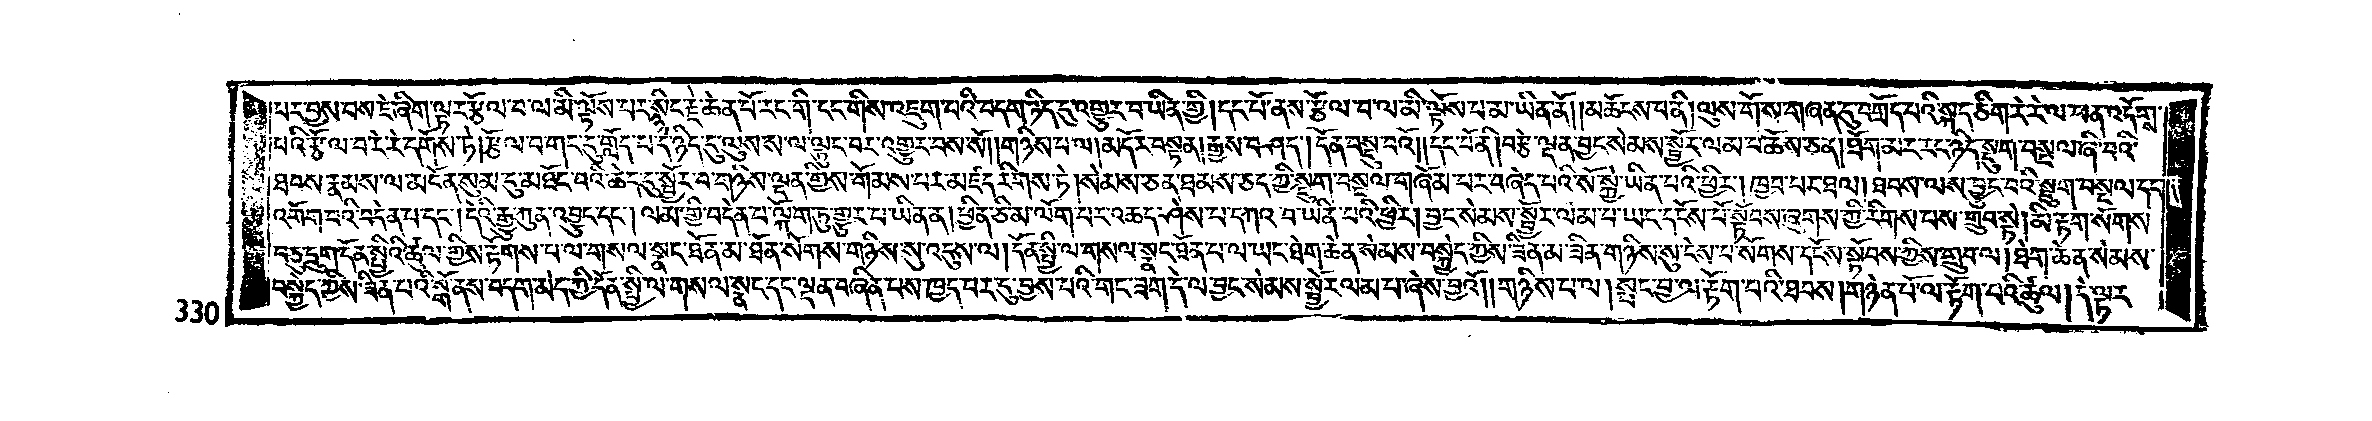པར་བྱས་པས་ཇེ་ཞིག་ལྟར་རྩོལ་བ་ལ་མི་ལྟོས་པར་སྙིང་རྗེ་ཆེན་པོ་རང་གི་ངང་གིས་འཇུག་པའི་བདག་ཉིད་དུ་འགྱུར་བ་ཡིན་གྱི། དང་པོ་ནས་རྩོལ་བ་ལ་མི་ལྟོས་པ་མ་ཡིན་ནོ། །མཆོངས་པ་ནི། ལུས་གོ་ས་གཞན་དུ་བགྲོད་པའི་སྐད་ཅིག་རེ་རེ་ལ་ཕན་འདོགས་
པའི་རྩོལ་བ་རེ་རེ་དགོས་ཏེ། རྩོལ་བ་གང་དུ་གློད་པ་དེ་ཉིད་དུ་ལུས་ས་ལ་ལྟུང་བར་འགྱུར་བས་སོ། །གཉིས་པ་ལ། མདོར་བསྟན། རྒྱས་བཤད། དོན་བསྡུ་བའོ། །དང་པོ་ནི། བརྩེ་ལྡན་བྱང་སེམས་སྦྱོར་ལམ་པ་ཆོས་ཅན། ཐོག་མར་རང་ཉིད་སྡུག་བསྔལ་ཞི་བའི་
ཐབས་རྣམས་ལ་མངོན་སུམ་དུ་མཐོང་བའི་ཆེད་དུ་སྦྱོར་བ་གཉིས་ལྡན་གྱིས་གོམས་པར་མཛད་རིགས་ཏེ། སེམས་ཅན་ཐམས་ཅད་ཀྱི་སྡུག་བསྔལ་གཞོམ་པར་བཞེད་པའི་སོ་སྐྱེ་ཡིན་པའི་ཕྱིར། ཁྱབ་པར་ཐལ། ཐབས་ལས་བྱུང་བའི་སྡུག་བསྔལ་དང་
འགོག་པའི་བདེན་པ་དང་། དེའི་རྒྱུ་ཀུན་འབྱུང་དང་། ལམ་གྱི་བདེན་པ་ལྐོག་ཏུ་གྱུར་པ་ཡིན་ན། ཕྱིན་ཅི་མ་ལོག་པར་འཆད་ཤེས་པ་དཀའ་བ་ཡིན་པའི་ཕྱིར། བྱང་སེམས་སྦྱོར་ལམ་པ་ཡང་དངོས་པོ་སྟོབས་ཞུགས་ཀྱི་རིགས་པས་གྲུབ་སྟེ། མི་རྟག་སོགས་
བཅུ་དྲུག་དོན་སྤྱིའི་ཚུལ་གྱིས་རྟོགས་པ་ལ་གསལ་སྣང་ཐོན་མ་ཐོན་སོགས་གཉིས་སུ་འདུམ་ལ། དོན་སྤྱི་ལ་གསལ་སྣང་ཐོན་པ་ལ་ཡང་ཐེག་ཆེན་སེམས་བསྐྱེད་ཀྱིས་ཟིན་མ་ཟིན་གཉིས་སུ་ངེས་པ་སོགས་དངོས་སྟོབས་ཀྱིས་གྲུབ་ལ། ཐེག་ཆེན་སེམས་
བསྐྱེད་ཀྱིས་ཟིན་པའི་སྒོ་ནས་བདག་མེད་ཀྱི་དོན་སྤྱི་ལ་གསལ་སྣང་དང་ལྡན་བཞིན་པས་ཁྱད་པར་དུ་བྱས་པའི་གང་ཟག་དེ་ལ་བྱང་སེམས་སྦྱོར་ལམ་པ་ཞེས་བྱའོ། །གཉིས་པ་ལ། སྤང་བྱ་ལ་རྟོག་པའི་ཐབས། གཉེན་པོ་ལ་རྟོག་པའི་ཚུལ། དེ་ལྟར་